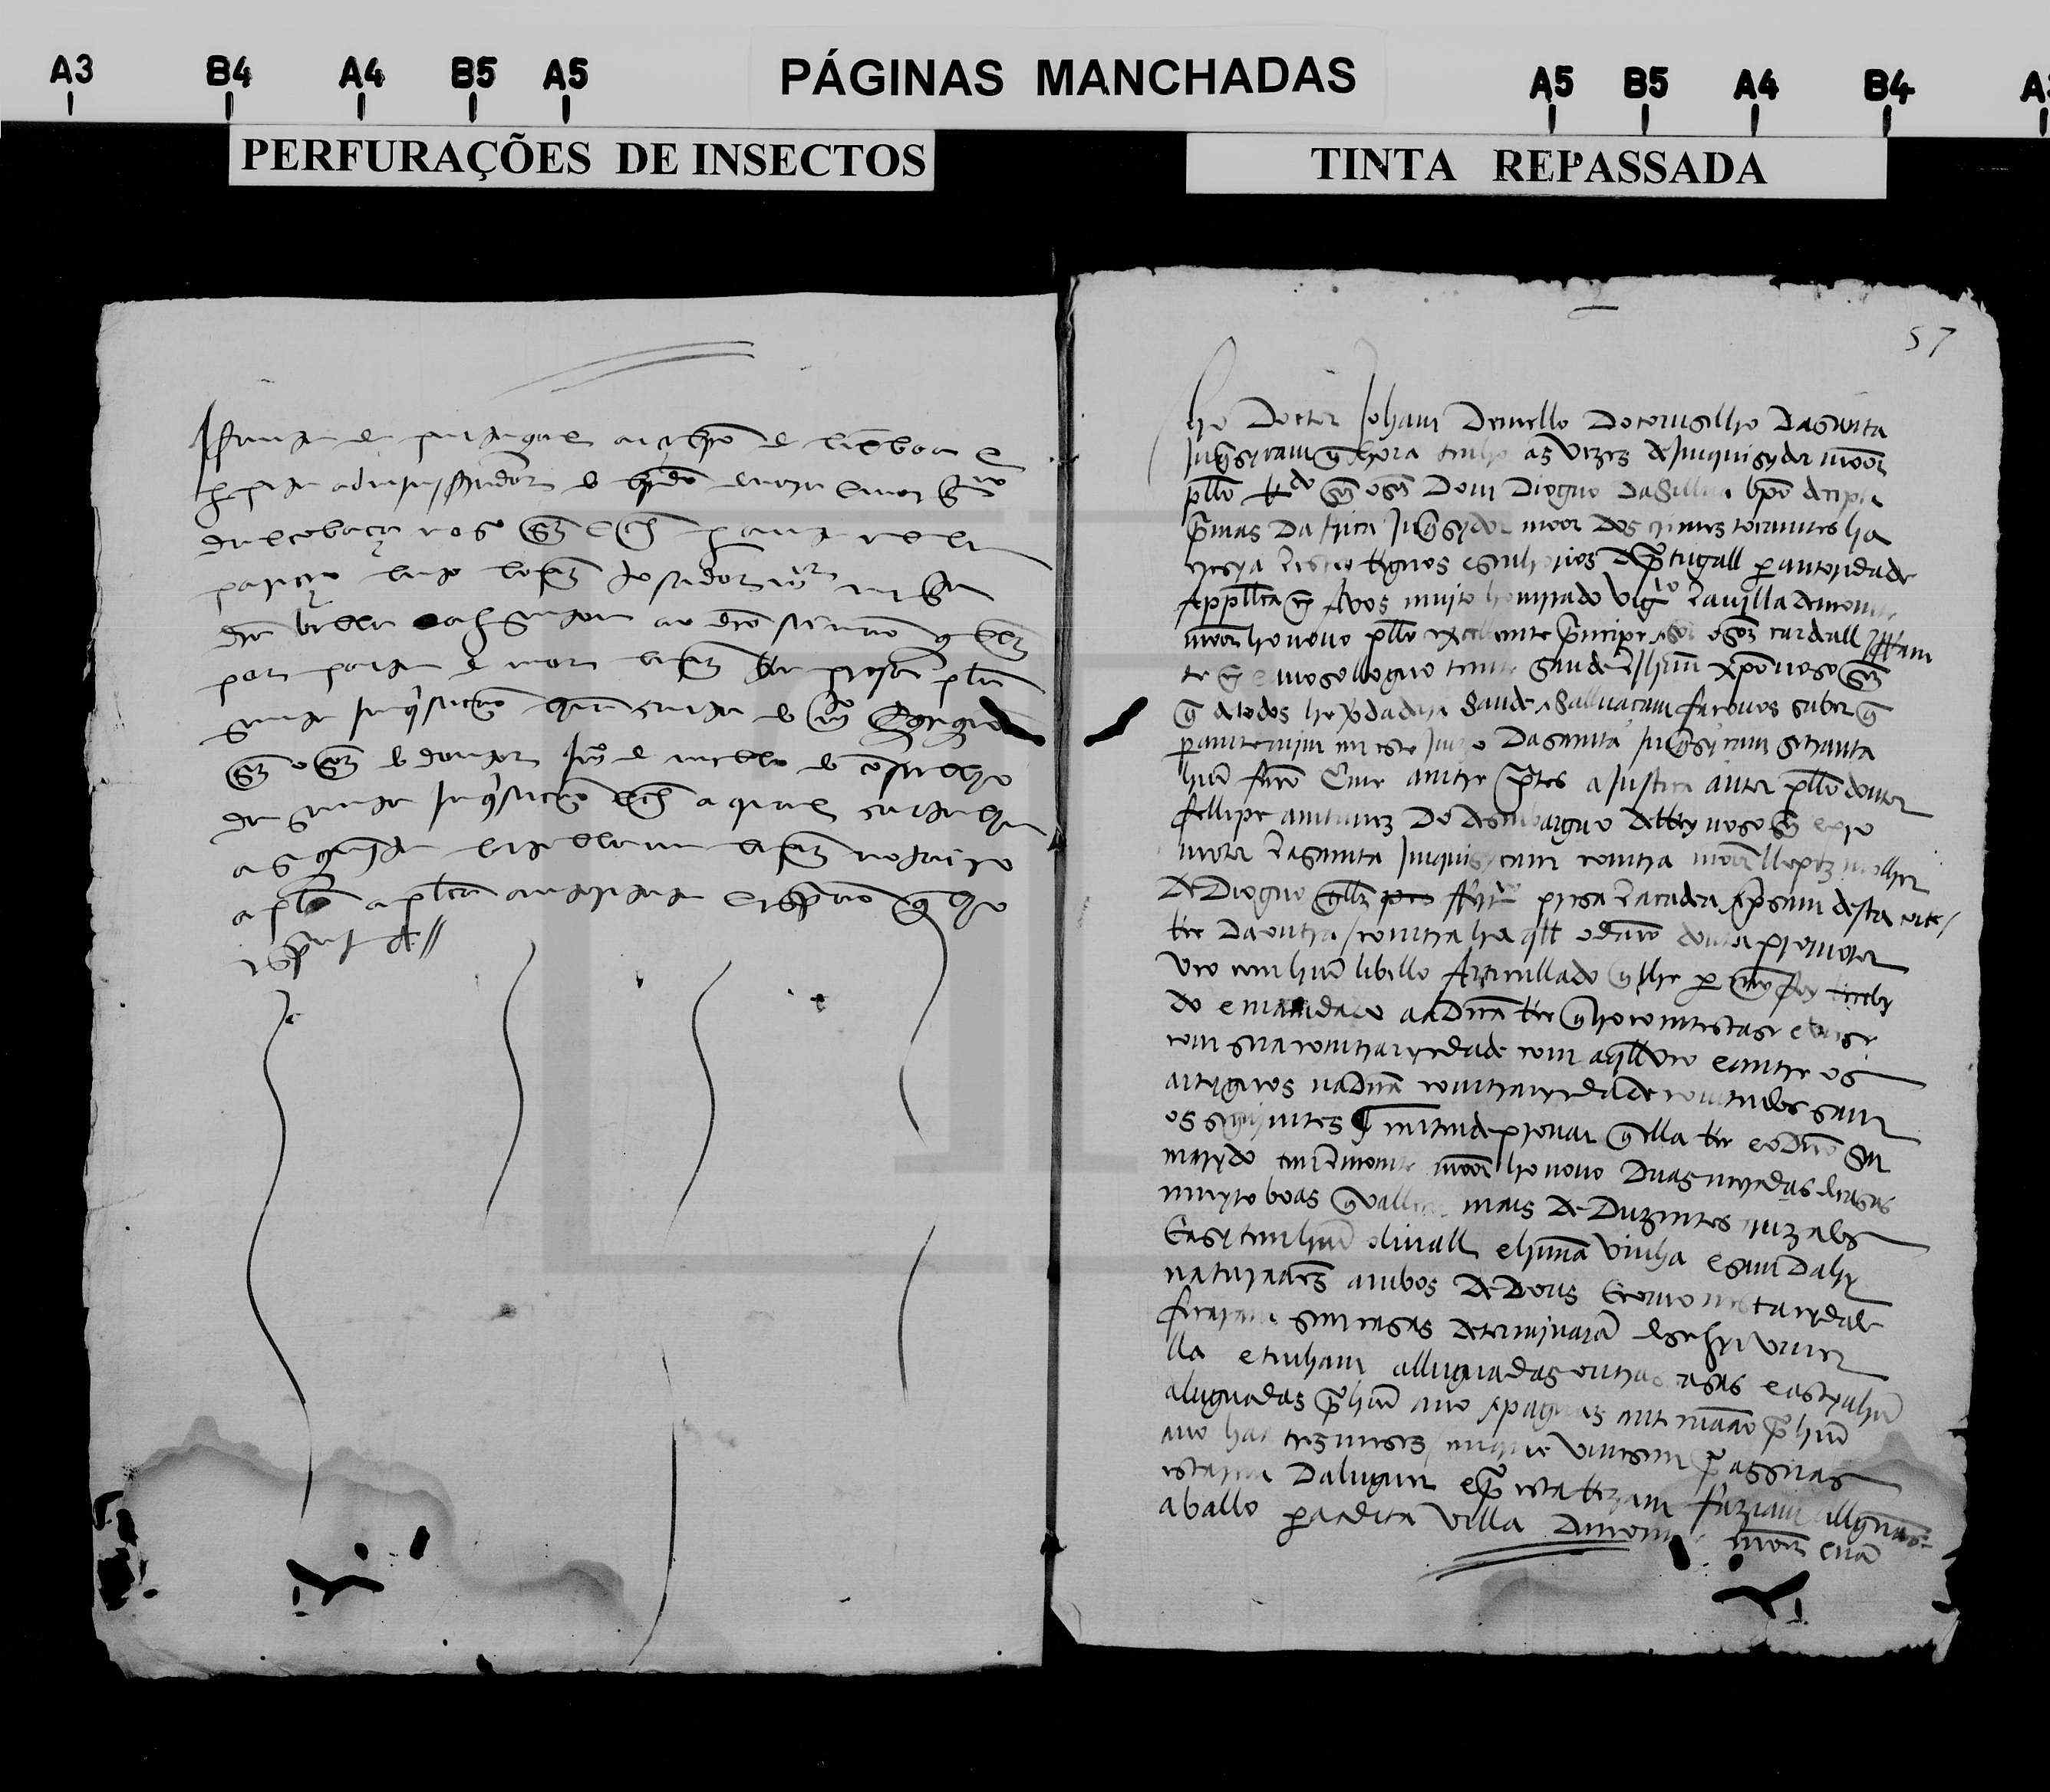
Jfante de purtugal arcebp̄o de lixboa e
ꝑpetu admjnjstrador do bp̄do deuora e moestro
dalcobaça noso s̄or e c̄ꝭ ꝑante elle
pareceo bento lopez tosador mor nesta
dīa villa e aꝑsentou ao dīo simão gl̄lz
por parte de mor lopē Ree presa plā
santa Jnqisição huā carta do mto Egregio
s̄or o s̄or do doutor Jmo de mello do c̄oselho
da santa Jnqisição e c̄ꝭ a qual carta he
a segj̄te bertollameu lopez notairo
apl̄o apl̄ca autoritate e esꝑuão q̄ ho
esp̄uj
57
ho Doctor Joham De mello Do comselho da santa
Jnq̄syçam q̄ hora tenho as vezes de Jmquisydor mōor
p̄llo Rdo s̄or o s̄or Dom Dioguo da Sillua bp̄o de cepta
p̄imas Dafrica Jnq̄sydor moor dos crimes tocamtes ha
eresya ē estes Regnos e senhorios de p̄otugall ꝑ autoridade
App̄llca c̄ꝭ A vos mujto homrrado Vigro ē a ujlla de momte
m̄oor ho nouo p̄llo excellemte pincipe e s̄or o s̄or cardeall Jffam
te c̄ꝭ e a uoso lloguo temte Saude ē Jhūu xp̄o noso s̄or
q̄ de todos he ꝟdadeira Saude e Salluaçam façouos saber q̄
ꝑamte mjm em este Juizo Da samta Jmq̄syçam se trauta
hū fec̄o C̄ime amtre p̄tes a Justica autor p̄llo doutor
fellipe amtunez Do Desenbarguo Del Rey noso s̄or e pro
motor ē a samta Jmquisyçam comtra mōor llopez molher
De Dioguo ḡllz pes fferrro presa ē a cadea e p̄isam desta corte
Ree Da outra / comtra ha q̄ll o dicto doutor promotor
veo com hū libello Articullado q̄ lhe ꝑ mȳ foy Receby
do e mamdado aa Dita Ree q̄ ho comtestase e viese
com sua comtraryedade com a q̄ll veo e antre os
artyguos na dita comtraryedade comteudos sam
os segujmtes ¶ entende prouar q̄ ella Ree e o Dito seu
marydo tem ē momtem̄oor ho nouo Duas moradas de casas
muyto boas q̄ vallem mais de Duzentos cruzados
E asy tem hū oliuall e hūua vinha e sam Dahy
naturaaēs ambos De Dous e como nesta cydade
ficaram sem casas Determjnarā de se hyr viuer
lla e tinham alluguadas outras casas e as tynhā
aluguadas p̄o hū ano e paguas antemãao p̄o hū
ano ha tres meses / em que viuesem p̄o assi as
estarem Daluguer e p̄o esta Rezam faziam allgūas
aballo ꝑ a dita villa De momte mor e nā
